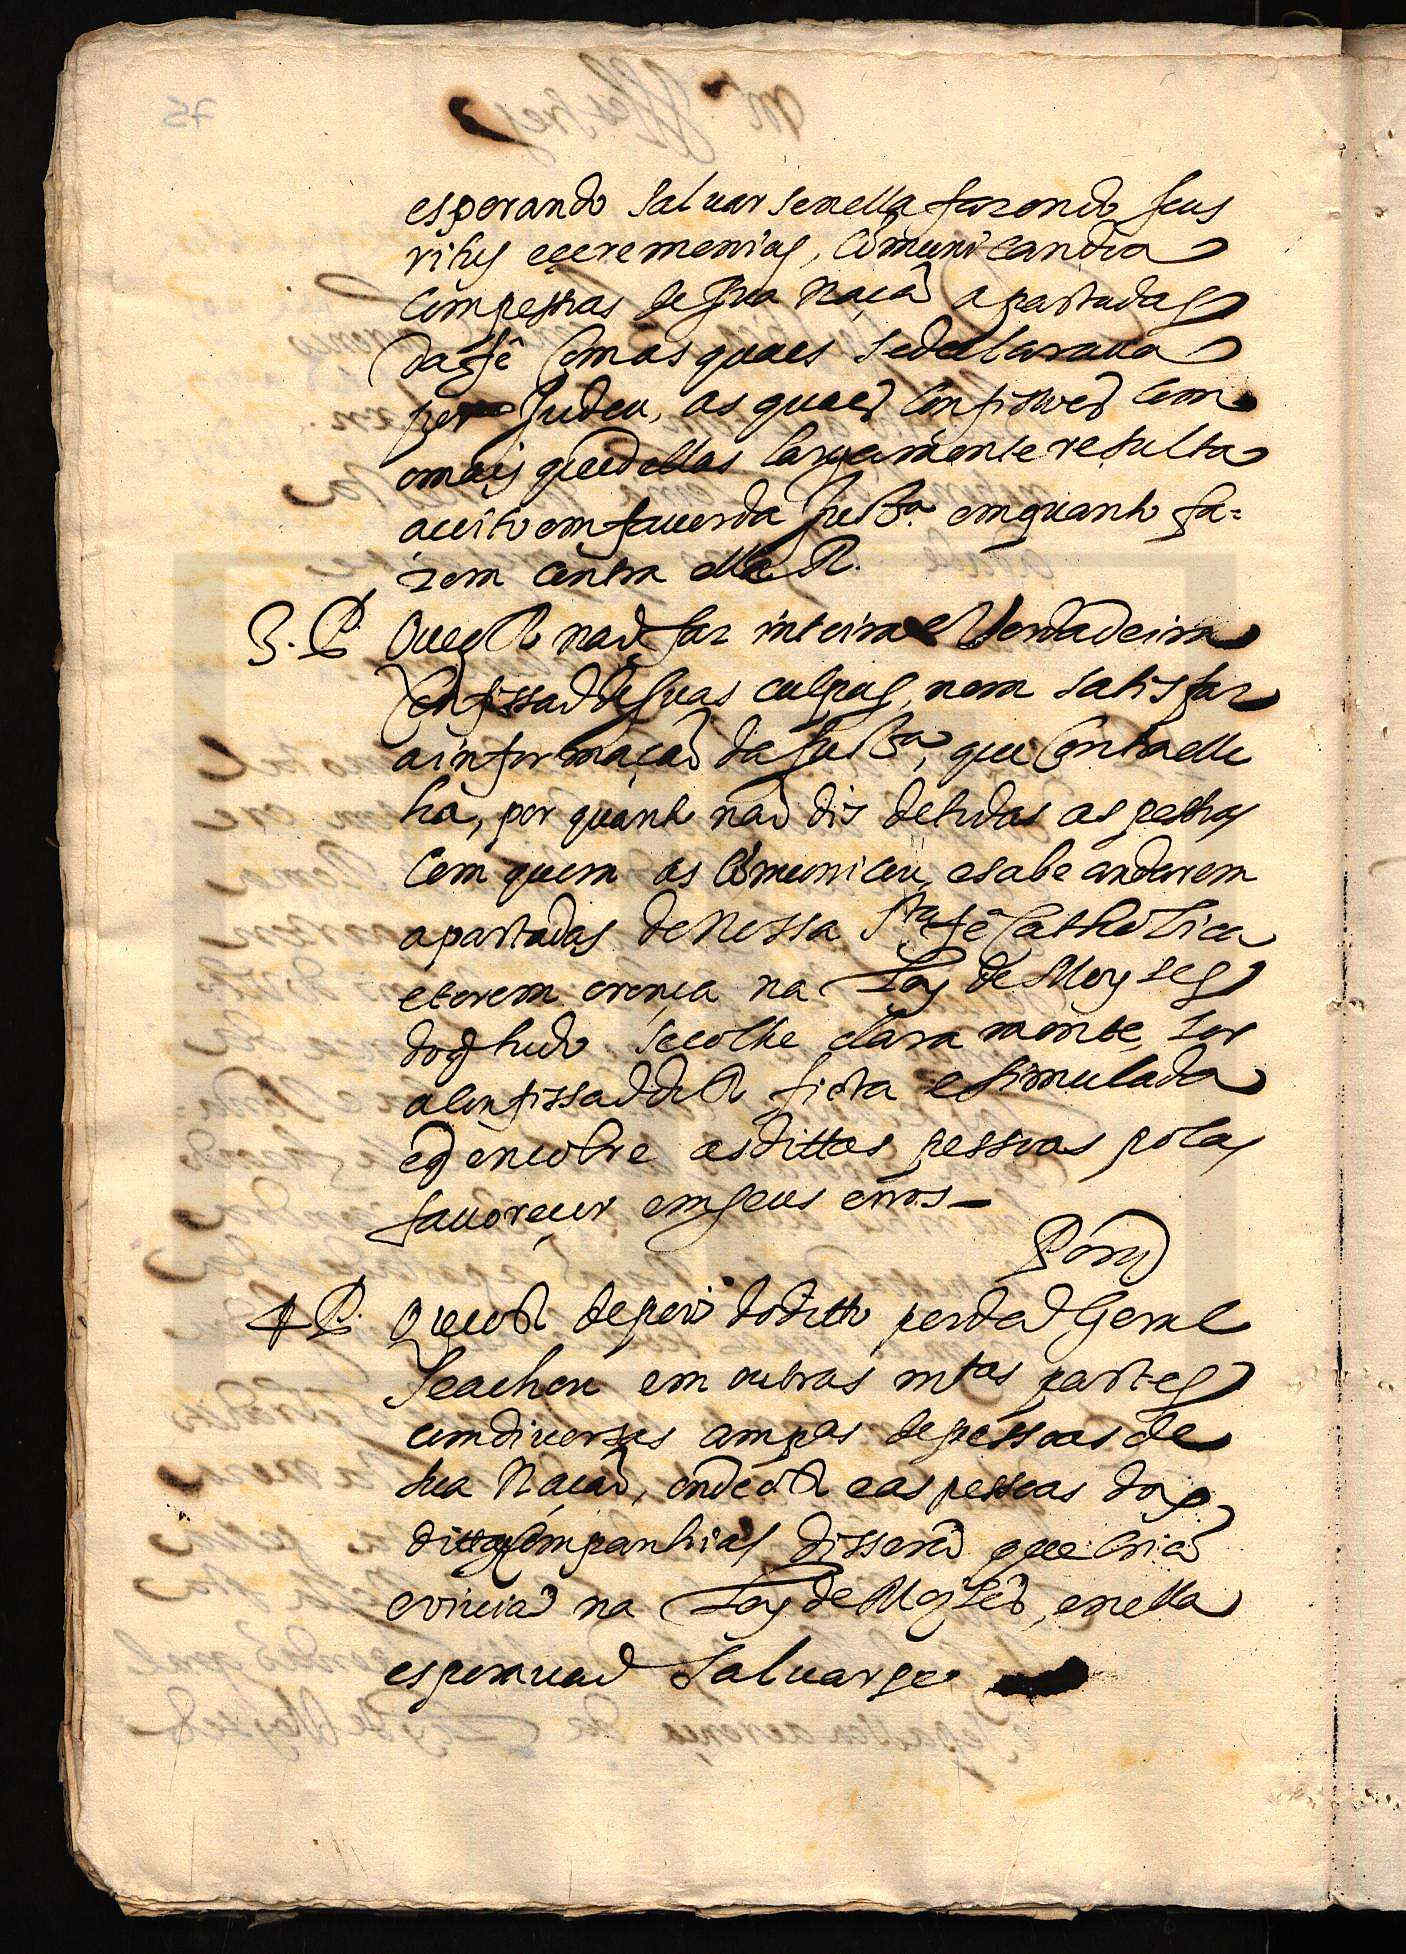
esperando saluar se nella fazendo seus
ritus e çeremonias, cōmunicandoa
com pessoas de sua naçaõ apartadas
da fê Com as quaes se declaraua
per Judeu, as quaes confissoẽs com
o mais que dellas largamente resulta
açeito em fauor da Just.a em quanto fa
zem contra elle R.
3. P Que o R naõ faz inteira e Verdadeira
Confissaõ de suas culpas, nem satisfaz
a informaçaõ da Justa, que Contra elle
ha, por quanto naõ dis de todas as pessoas
com quem as cōmunicou, e sabe andarem
apartadas de nossa sta fê Catholica
e terem crença na Ley de Moyses
do q̄ tudo se colhe claramente, ser
a confissaõ do R ficta e simulada
e q̄ encobre as dittas pessoas polas
fauoreçer em seus erros —
Porq̄
4 P. Que o R depois do ditto perdaõ Geral
Se achou em outras mtas partes
com diuersas compas de pessoas de
sua Naçaõ, onde o R e as pessoas das
dittas Companhias disseraõ que criaõ
e viviaõ na Ley de Mojses, e nella
esperauaõ saluarse
